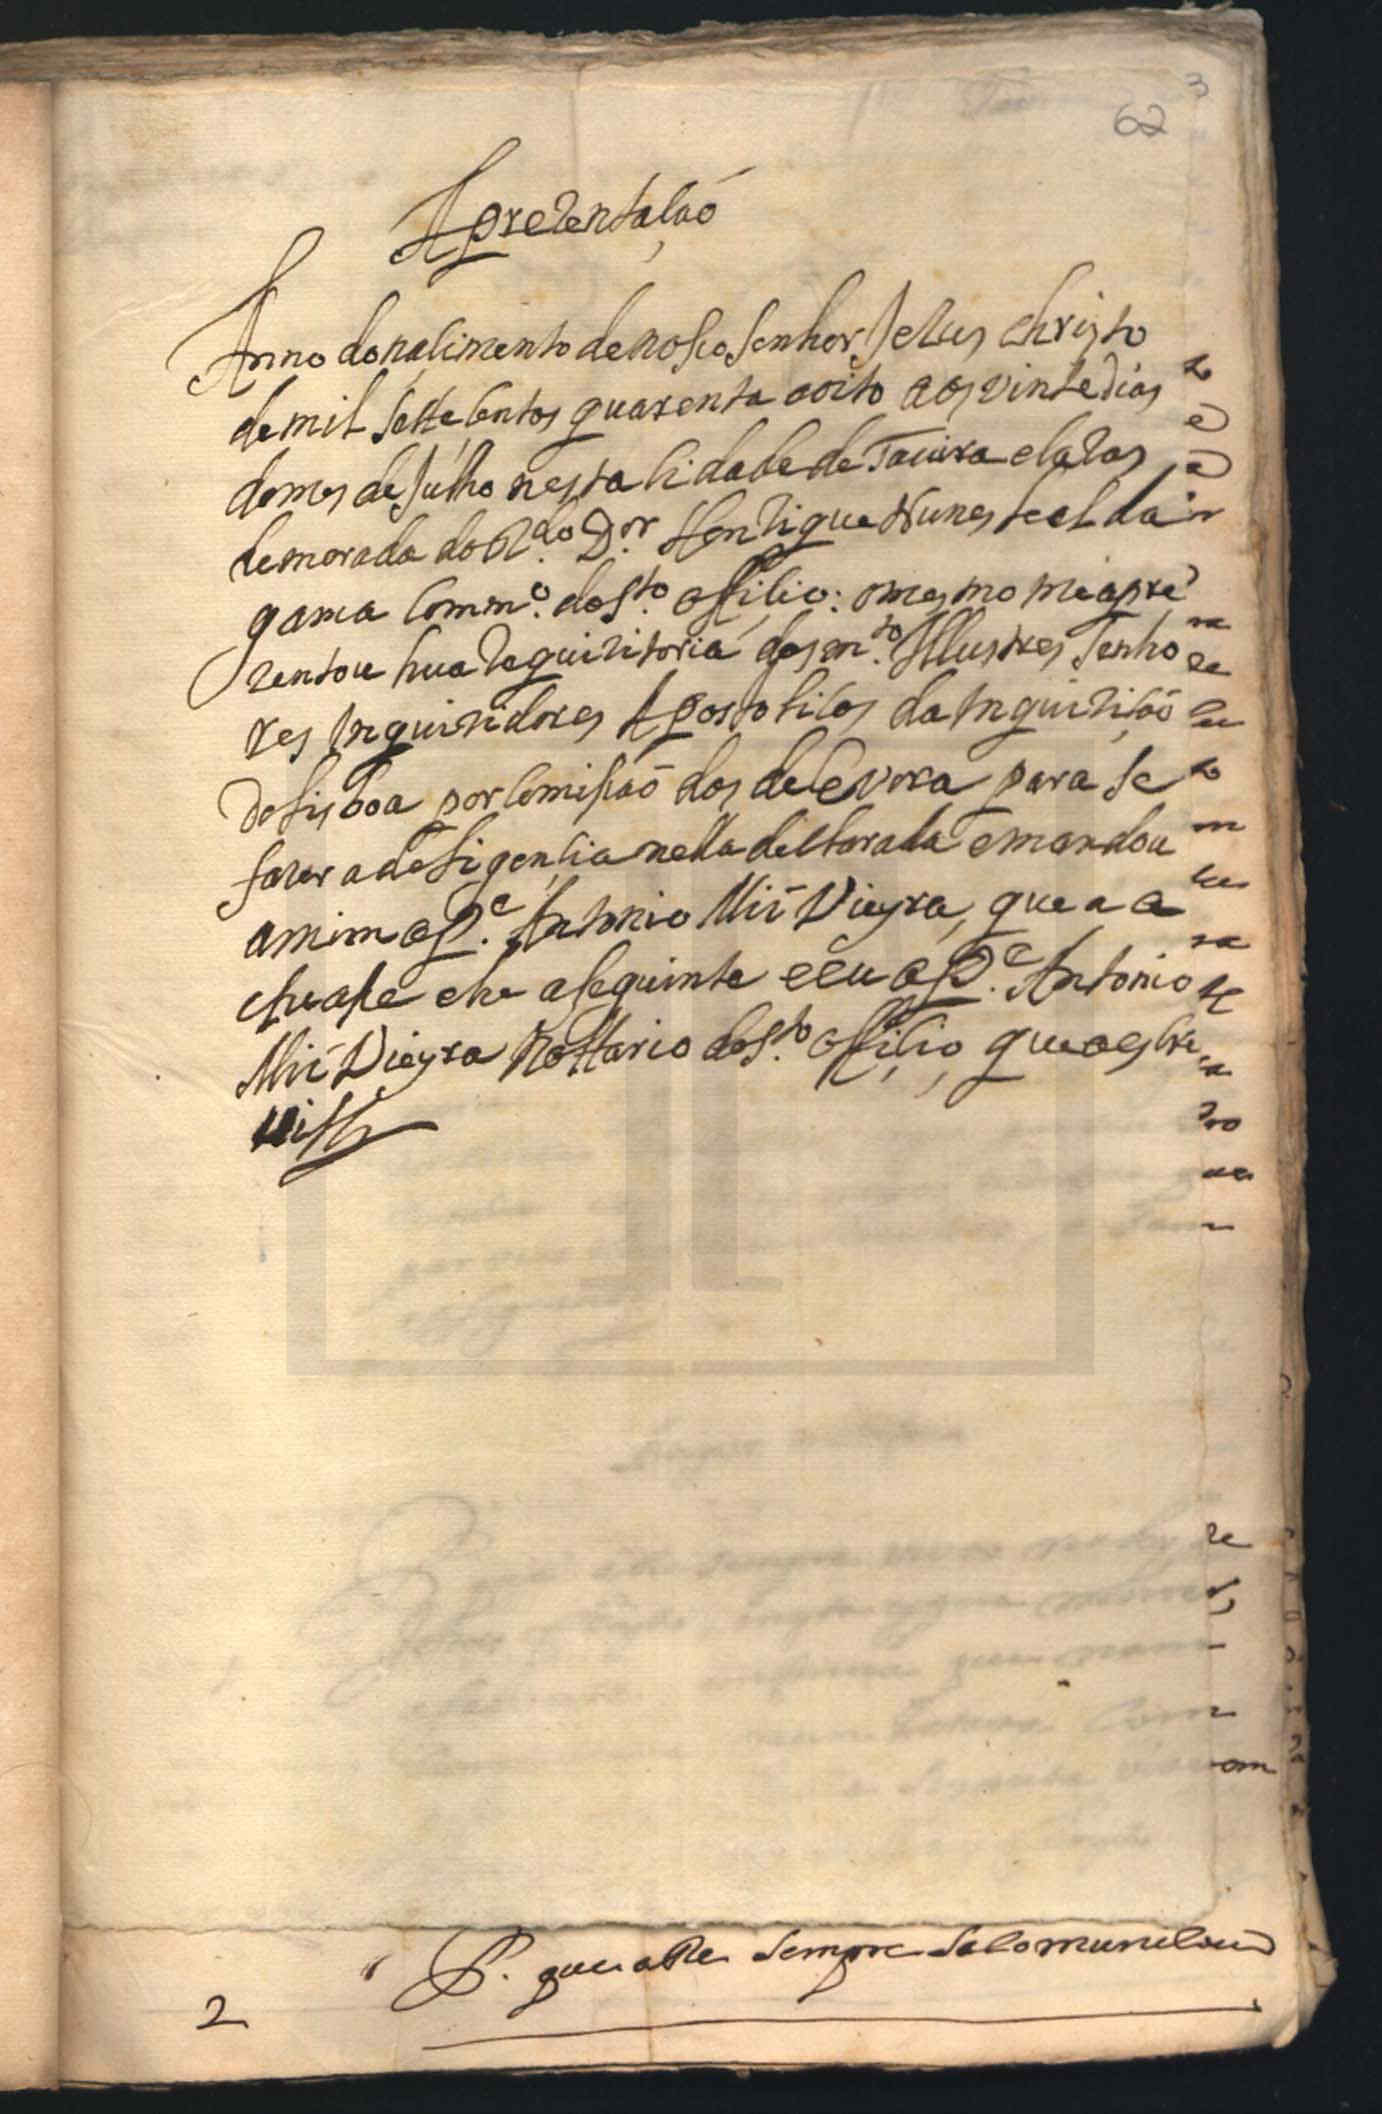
AprezentaÇaõ
Anno do naCimento de nosso Senhor JeZus christo
de miL setteCentos quarenta e oito aos vinte dias
do mes de Julho nesta Cidade de Tauira e Cazas
de morada do R.do D.or Henrique Nunes LeaL da
gama Comm.o do s.to officio: o mesmo me apre
zentou hua Requizitoria dos m.to Illustres Senho
res Inquizidores ApostoliCos da InquiziÇaõ
de Lisboa por Comissaõ dos de Evora para se
fazer a deligenCia nella declarada e mandou
a mim o P.e Antonio Miz̄ Vieyra, que a a
ctuasse e he a seguinte e eu o P.e Antonio
Miz̄ Vieyra nottario do s.to offiCio, que o esCre
ui
P. que a Re sempre se comuniCou
2
